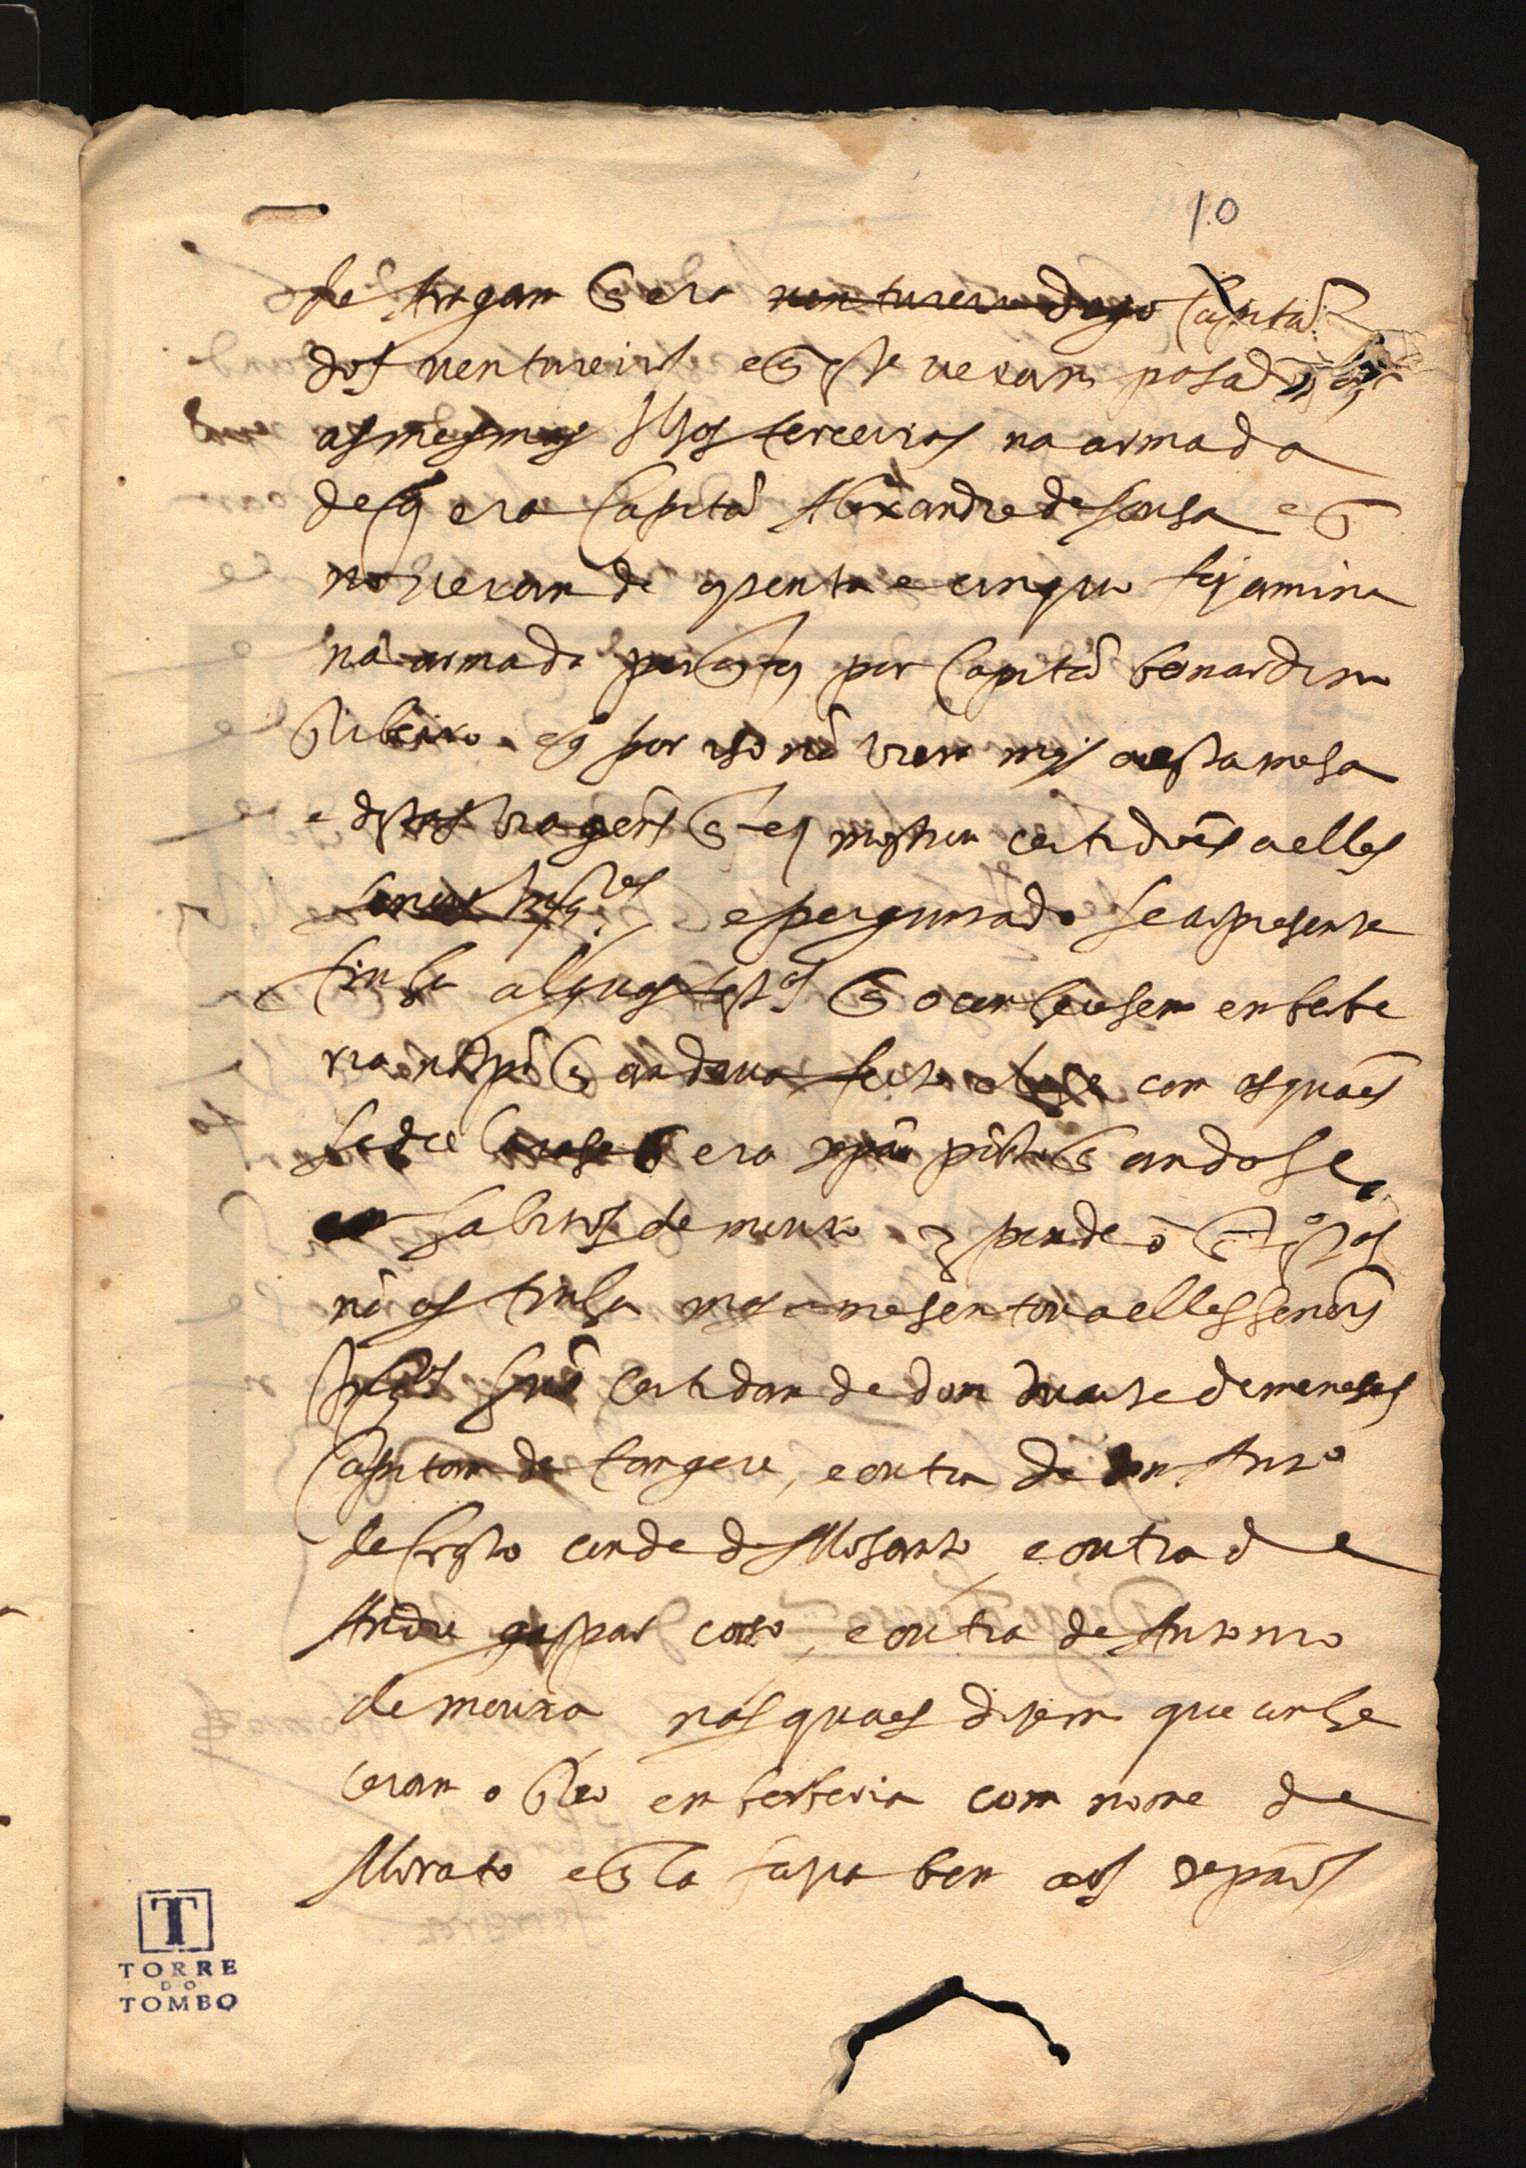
de Aragam q̄ era uentureiro digo Capitā
dos uentureiros e q̄ este ueram pasado _
as mesmas Jlhas terceiras na armada
de q̄ era Capitā Alexandre de sousa e q̄
no ueran de ojtenta e cinquo foy a mina
na armada per q̄ foj por Capitā bernardim
Ribeiro e q̄ por iso nā viera majs a esta mesa
e destas viagens q̄ fes mostrou certidoẽs a elles
senors Inq.res e perguntado se ao presente
tinha alguas testas q̄ o conhecesem em berbe
ria no tpō q̄ andaua feito elche com as quaēs
se declarase q̄ era xpão posto q̄ andase
com habitos de mouro respondeo q̄ testas
nā as tinha mas apresentou a elles senors̄
Jnqres huā certidam de dom duarte de meneses
Capitam de tangere, e outra de dom Anto
de Crasto conde de Mosanto, e outra de
Andre gaspar corso, e outra de Antonio
de moura, nas quaes dizem que conhe
ceram o Reo em berberia com nome de
Morato e q̄ fazia bem aos xpãos
